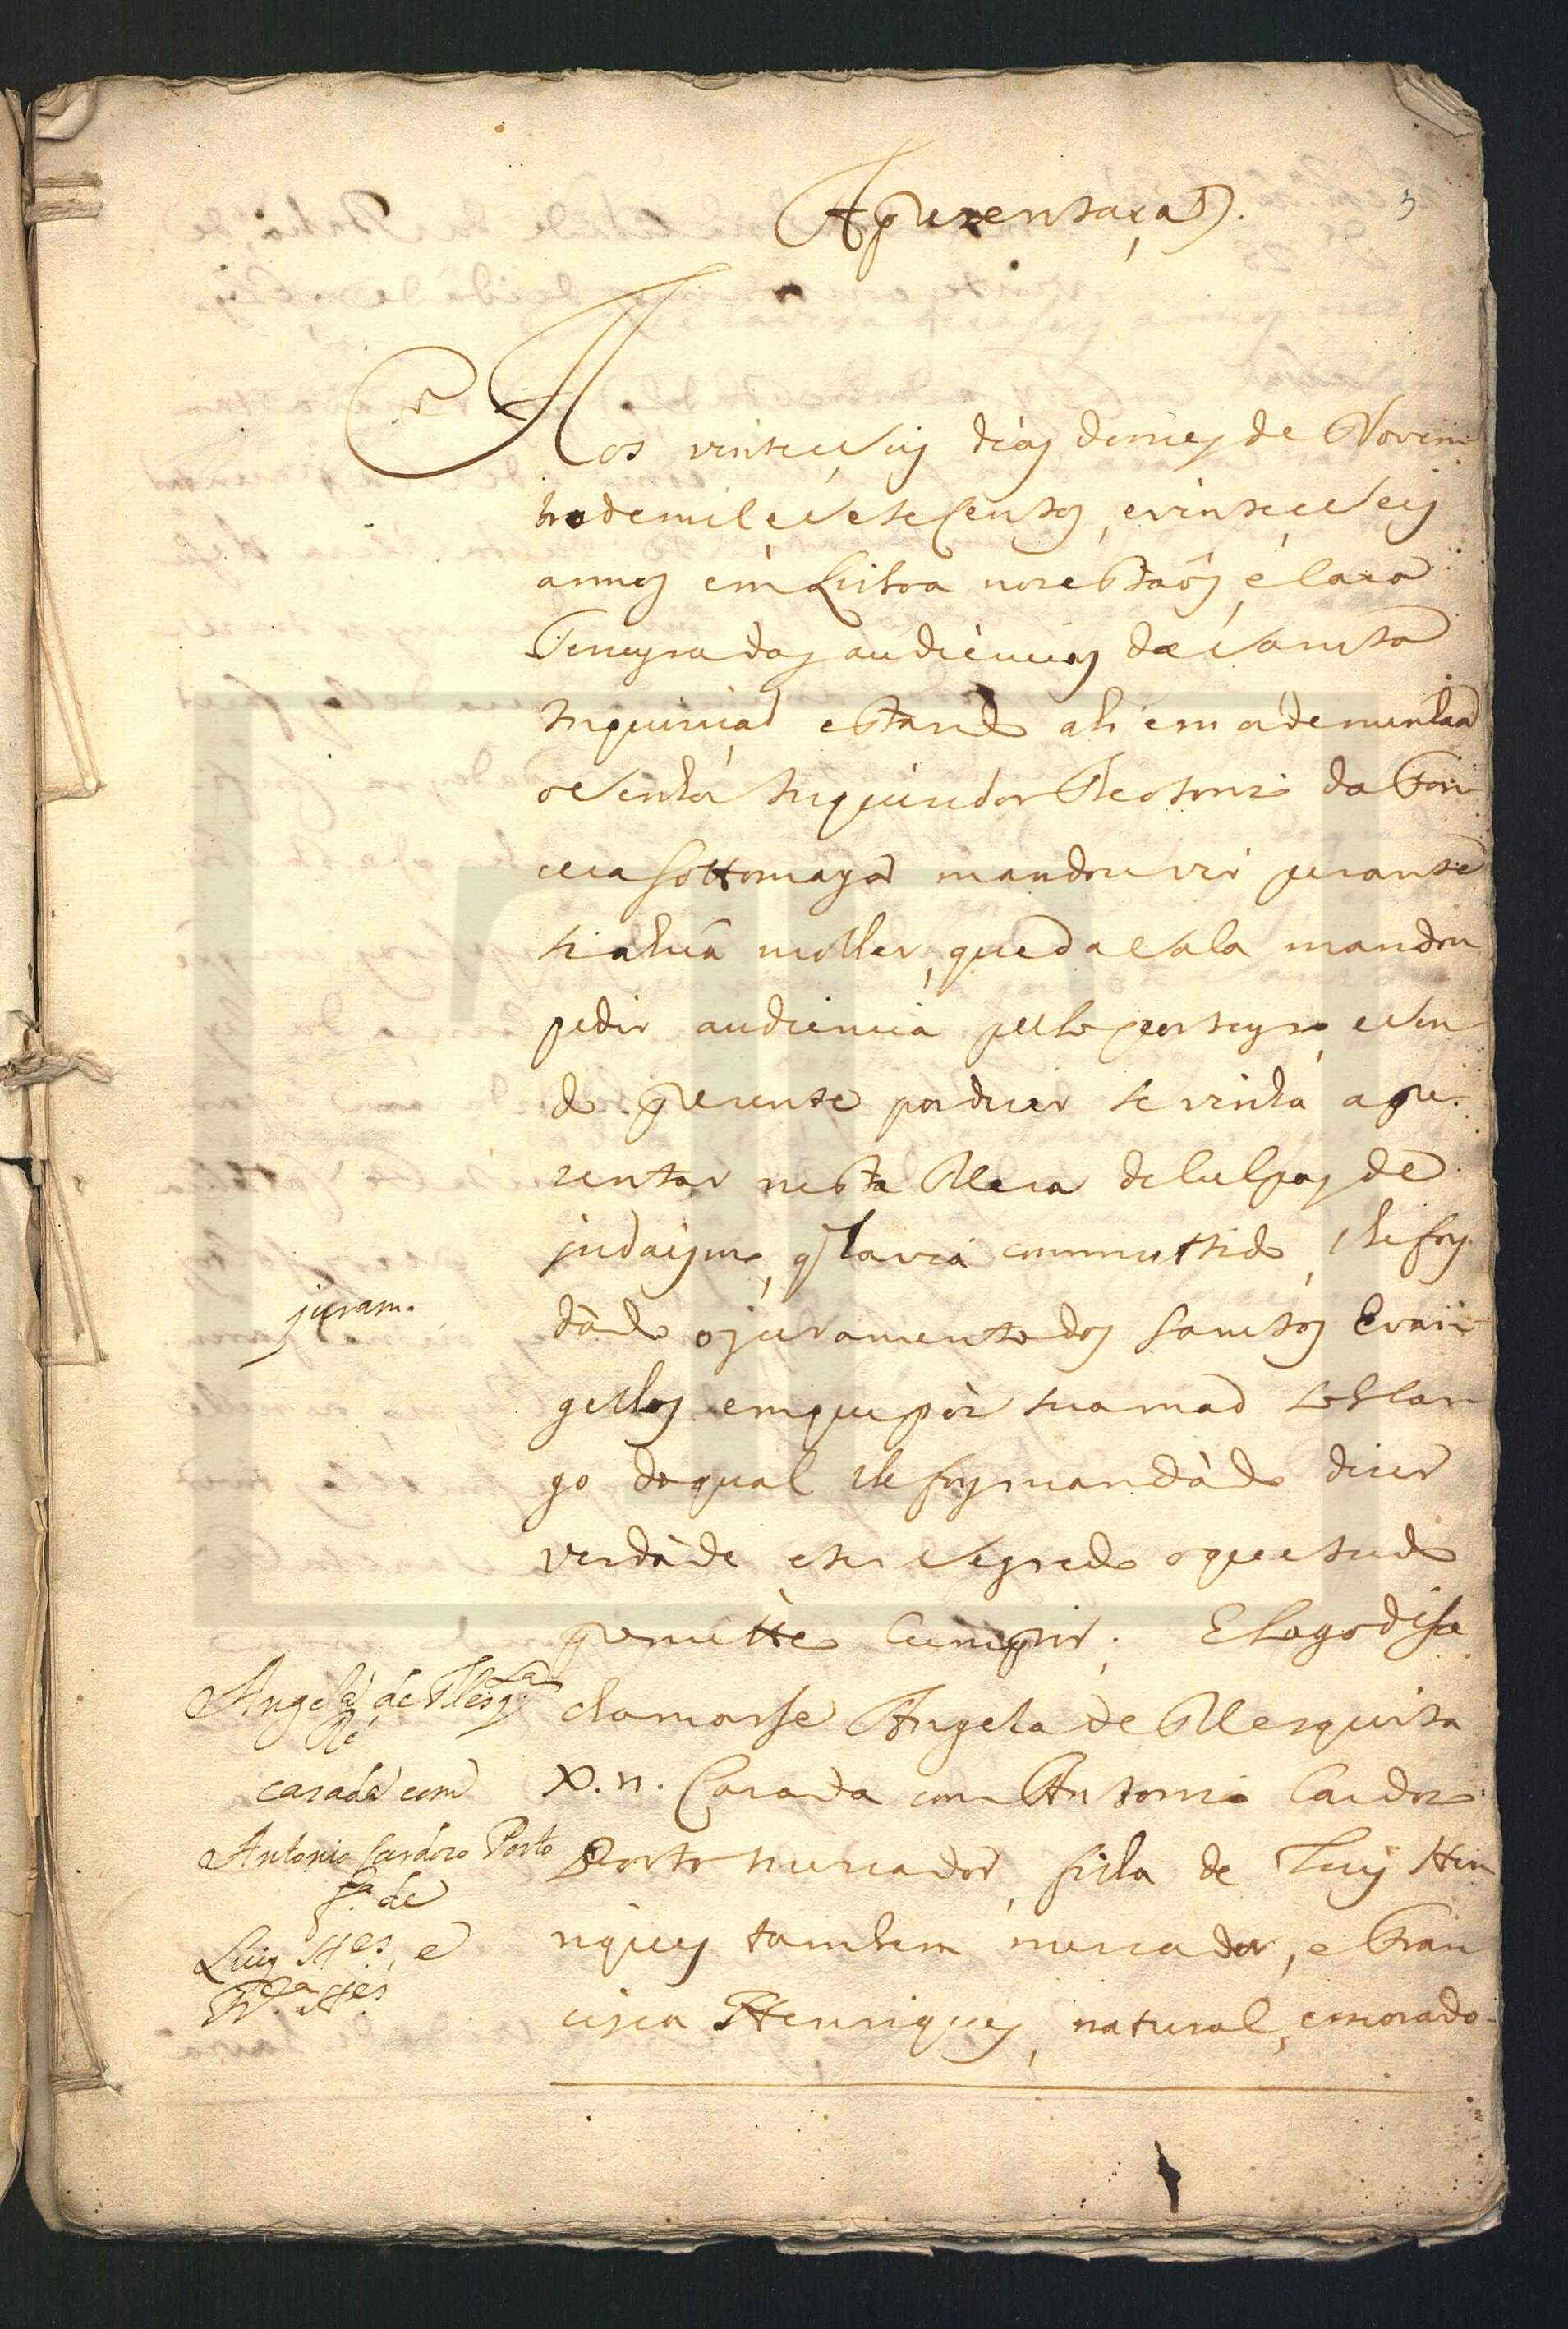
Apresentaçaõ.
Aos vinte e, seis dias do mes de Novem
bro de mil, e seteCentos, e vinte, e seis
annos em Lisboa nos estaós, e caza
Terceyra das audiencias da sancta
Inquiziçaõ estando ahi em a de manhaã
o Senhor Inquisidor Theotonio da Fon
ceca sottomayor mandou vir perante
si a huā mulher, que da sala mandou
pedir audiencia pello porteyro, e sen
do prezente por dizer se vinha apre
zentar nesta Meza de Culpas de
judaismo, q̄ havia commettido, lhe foy
juram.
dàdo o juramento dos santos Evan
gelhos em que pós sua maõ sob car
go do qual lhe foy mandàdo dizer
verdade e ter segredo e que tudo
prometteo Cumprir; E logo disse
Angela de Mesq.ta
chamarse Angela de Mesquita
Ré
casada com
x.n. Casada com Antonio Cardozo
Antonio Cardozo Porto
Porto mercador, filha de Luis Hen
f.a de
Luis H.es, e
riques tambem mercador, e Fran
Fr.ca H.es
cisca Henriques, natural, e morado
